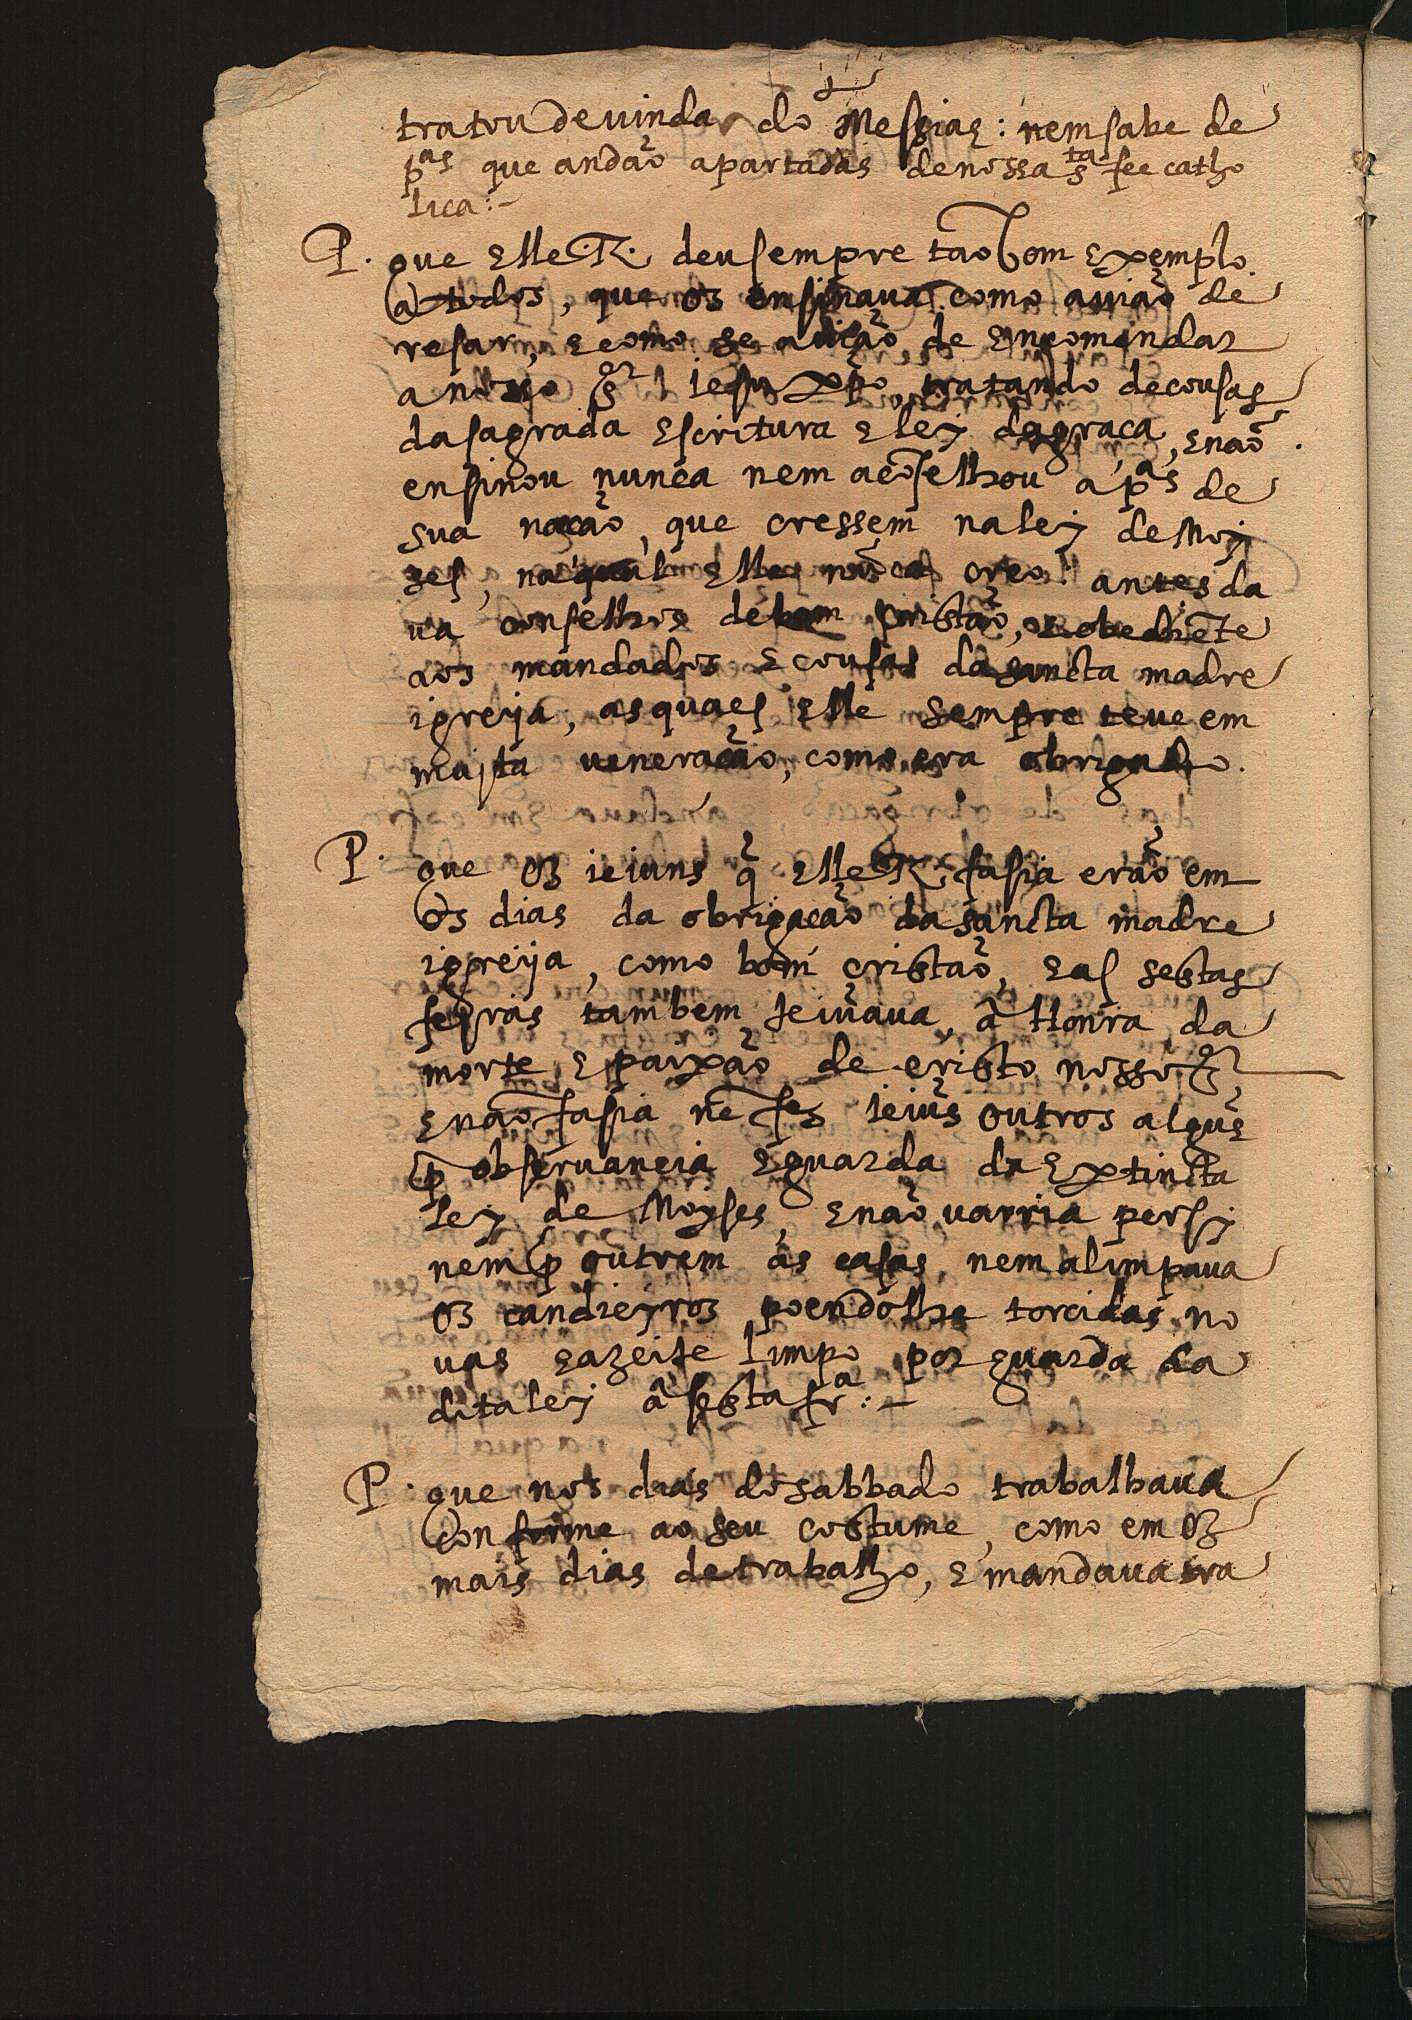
tratou de uinda do messias: nem sabe de
pas que andaõ apartadas de nossa sta fee catho
lica:
P. que elle .R. deu sempre tão bom Exemplo
a todos, que os ensinaua como auiaõ de
resar, E como se auião de Emcomendar
a nosso sor iesu xp̄o tratanto de cousas
da sagrada Escritura E ley da graça, E naõ
ensinou nunca nem acōselhou a pas de
sua naçaõ, que cressem na ley de Moy
ses, na qual Elle nūca creo: antes da
ua conselhos de bom cristaõ, e obediēte
aos mandados E cousas da sancta madre
igreya, as quaes Elle sempre teue em
mujta ueneração, como era obrigado.
P. que os ieiuns q̄ Elle R. fasia eraõ em
os dias da obrigação da sancta madre
igreya, como bom cristaõ, E as sestas
fejras tambem Jeiūaua, â Honra da
morte E paixão de cristo nosso sor
E naõ fasia nē fes ieiūs outros algūs
ꝑ obseruancia E guarda da Extincta
ley de Moyses, E naõ uarria per sy
nem ꝑ outrem as casas nem alimpaua
os candieyros poendolhe torcidas no
uas E azeite limpo por guarda da
dita ley â sesta fra.
P. que nos dias do sabbado trabalhaua
conforme ao seu costume, como em oz
mais dias de trabalho, e mandaua tra
